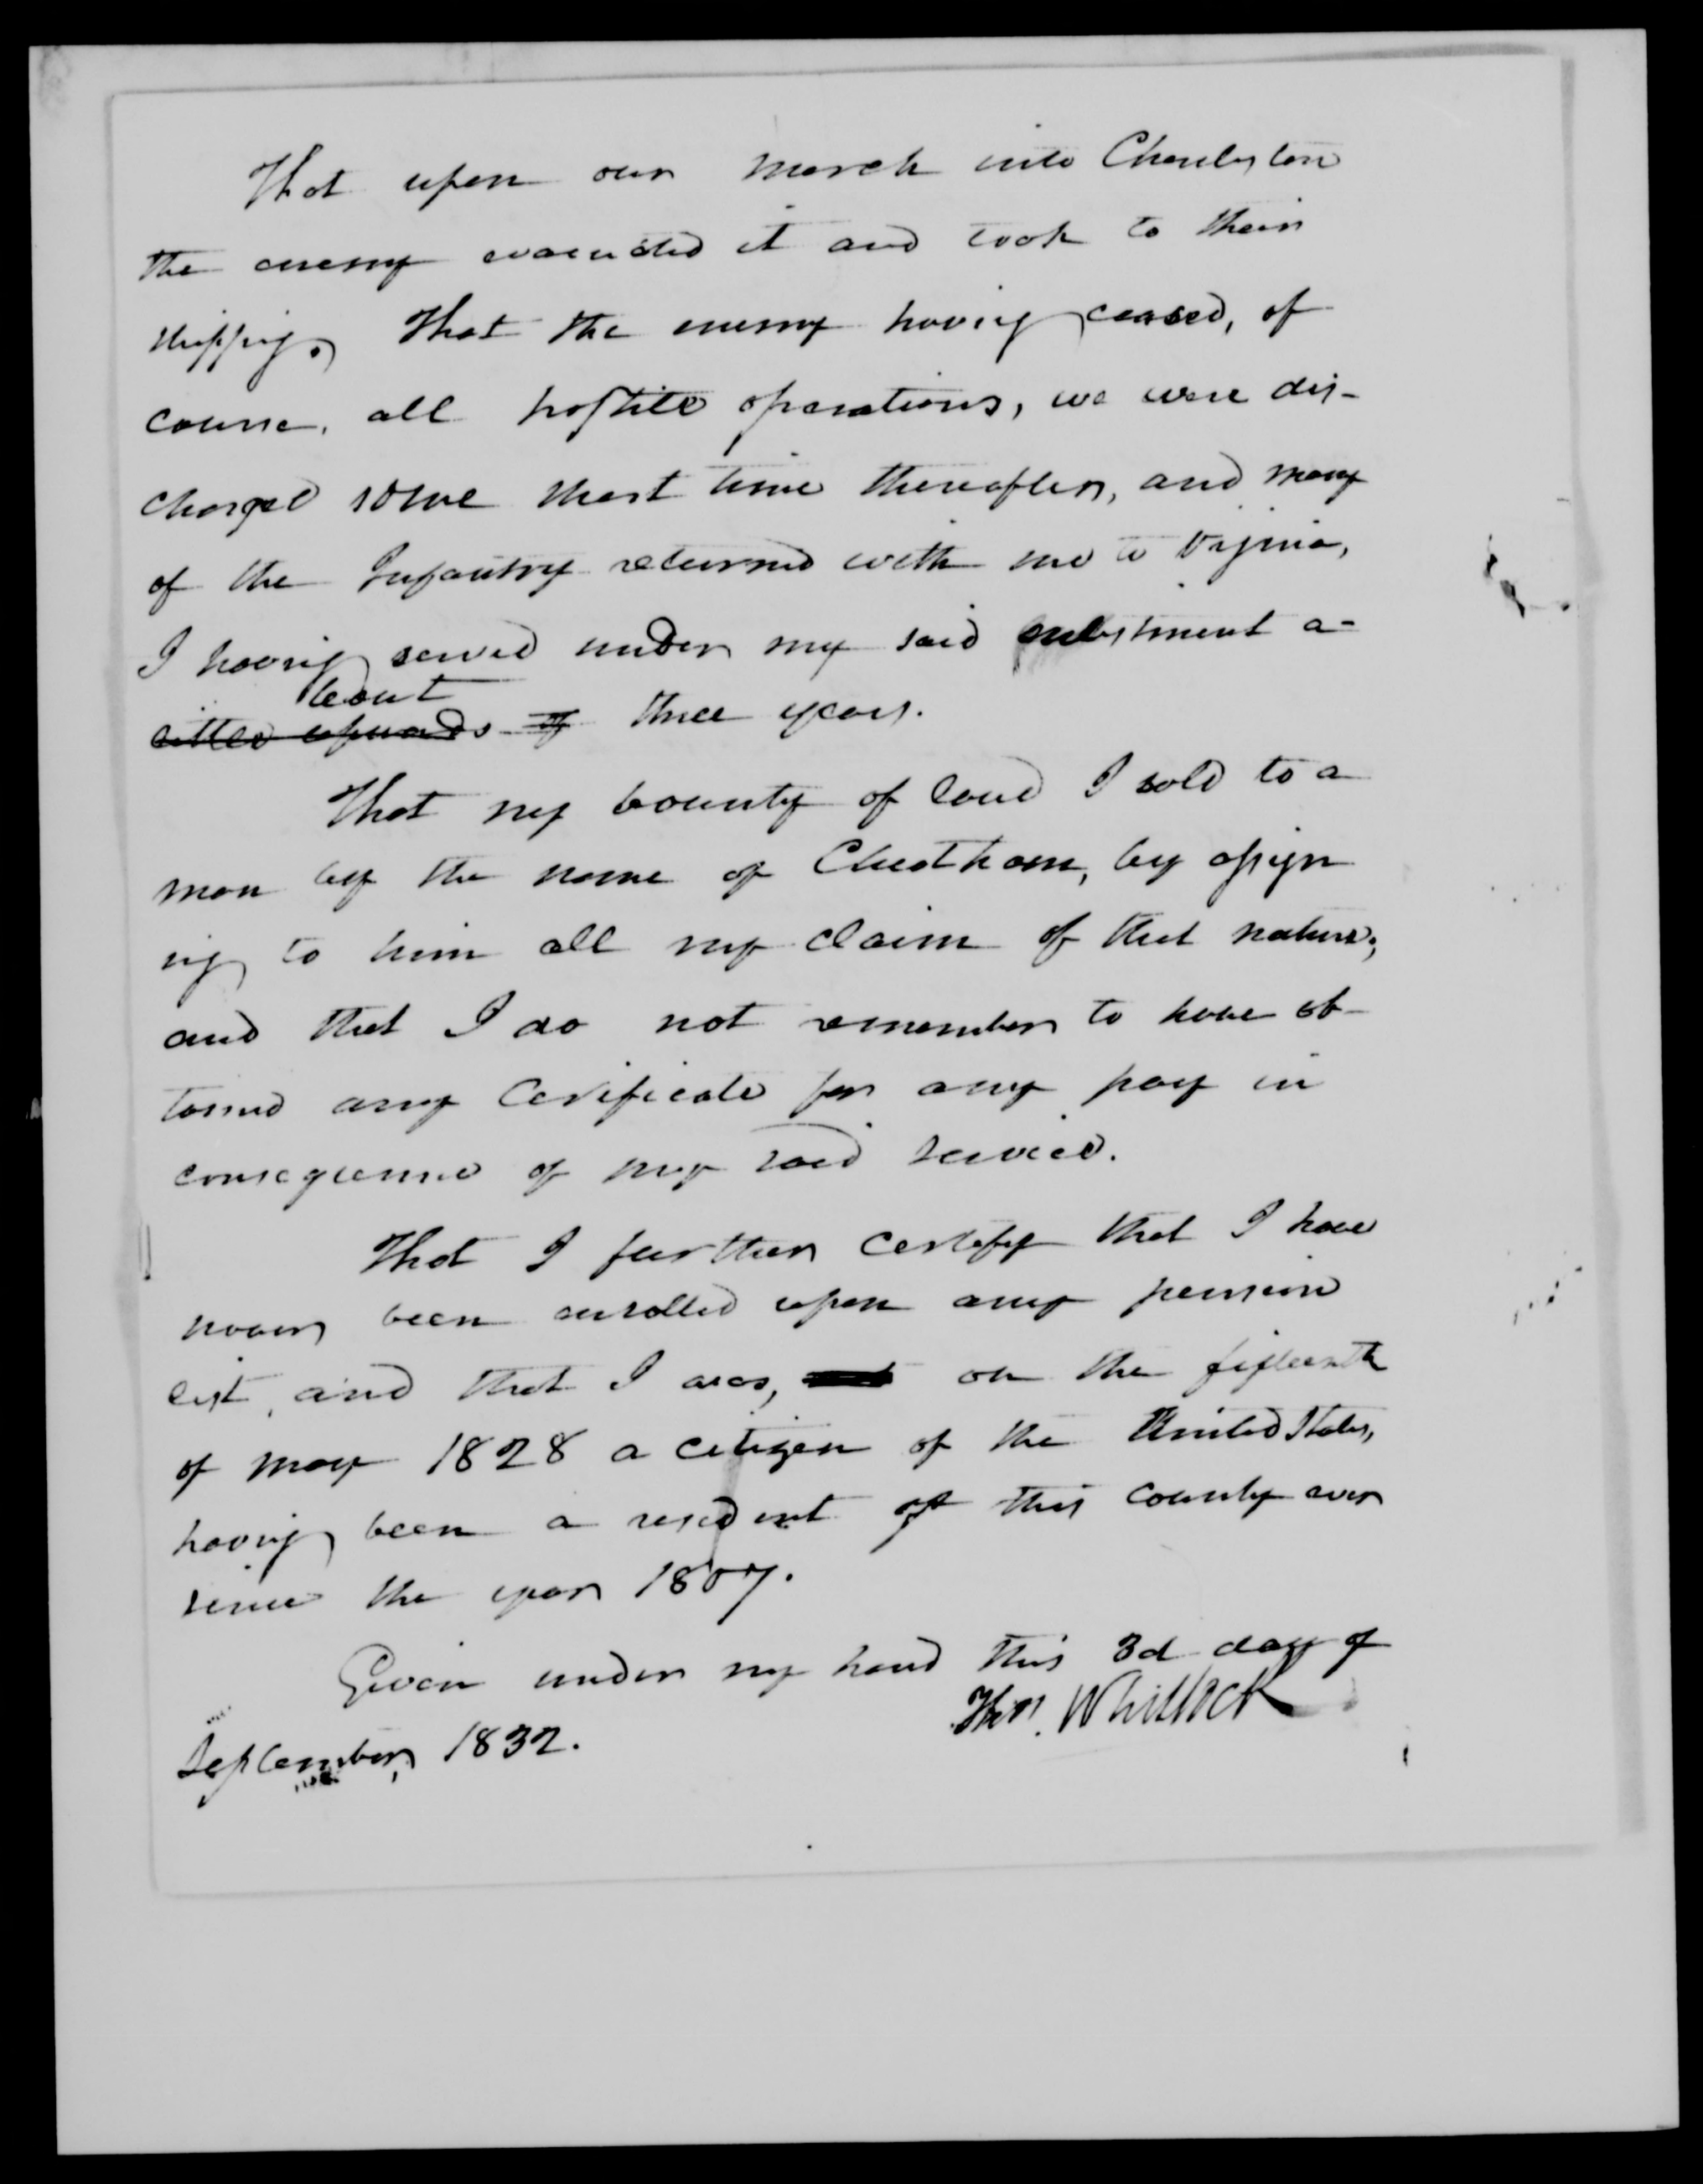That upon our march into Charleston
the enemy wanted it and took to them 
sissing. That the enemy have ceased of 
course, all hostile operations, we were dis-
charged some that time thereafter, and many 
of the Infantry returned with me to Virginia, 
I having served under my said enlistment a-
bout
~--- of three years.

That my County of land I sold to a 
man by the name of Chester, by assign
ing to him all my claim of that nature;
 and that I do not remember to have ob
tained any certificate for any pay in 
consequence of my said service. 
That I further certify that I have
 soon been called upon any pension 
list and that I am, on the fifteenth
 of May 1828 a citizen of the United States, 
having been a resident of this County ever 
since the yon 1807.

Given under my hand this 3d day of September 1832. 
Will Whitlock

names: Cauthan, Thos Whitlock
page: 6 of 32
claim: survivor's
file: S. 16020, Thomas Whitlock, Va.